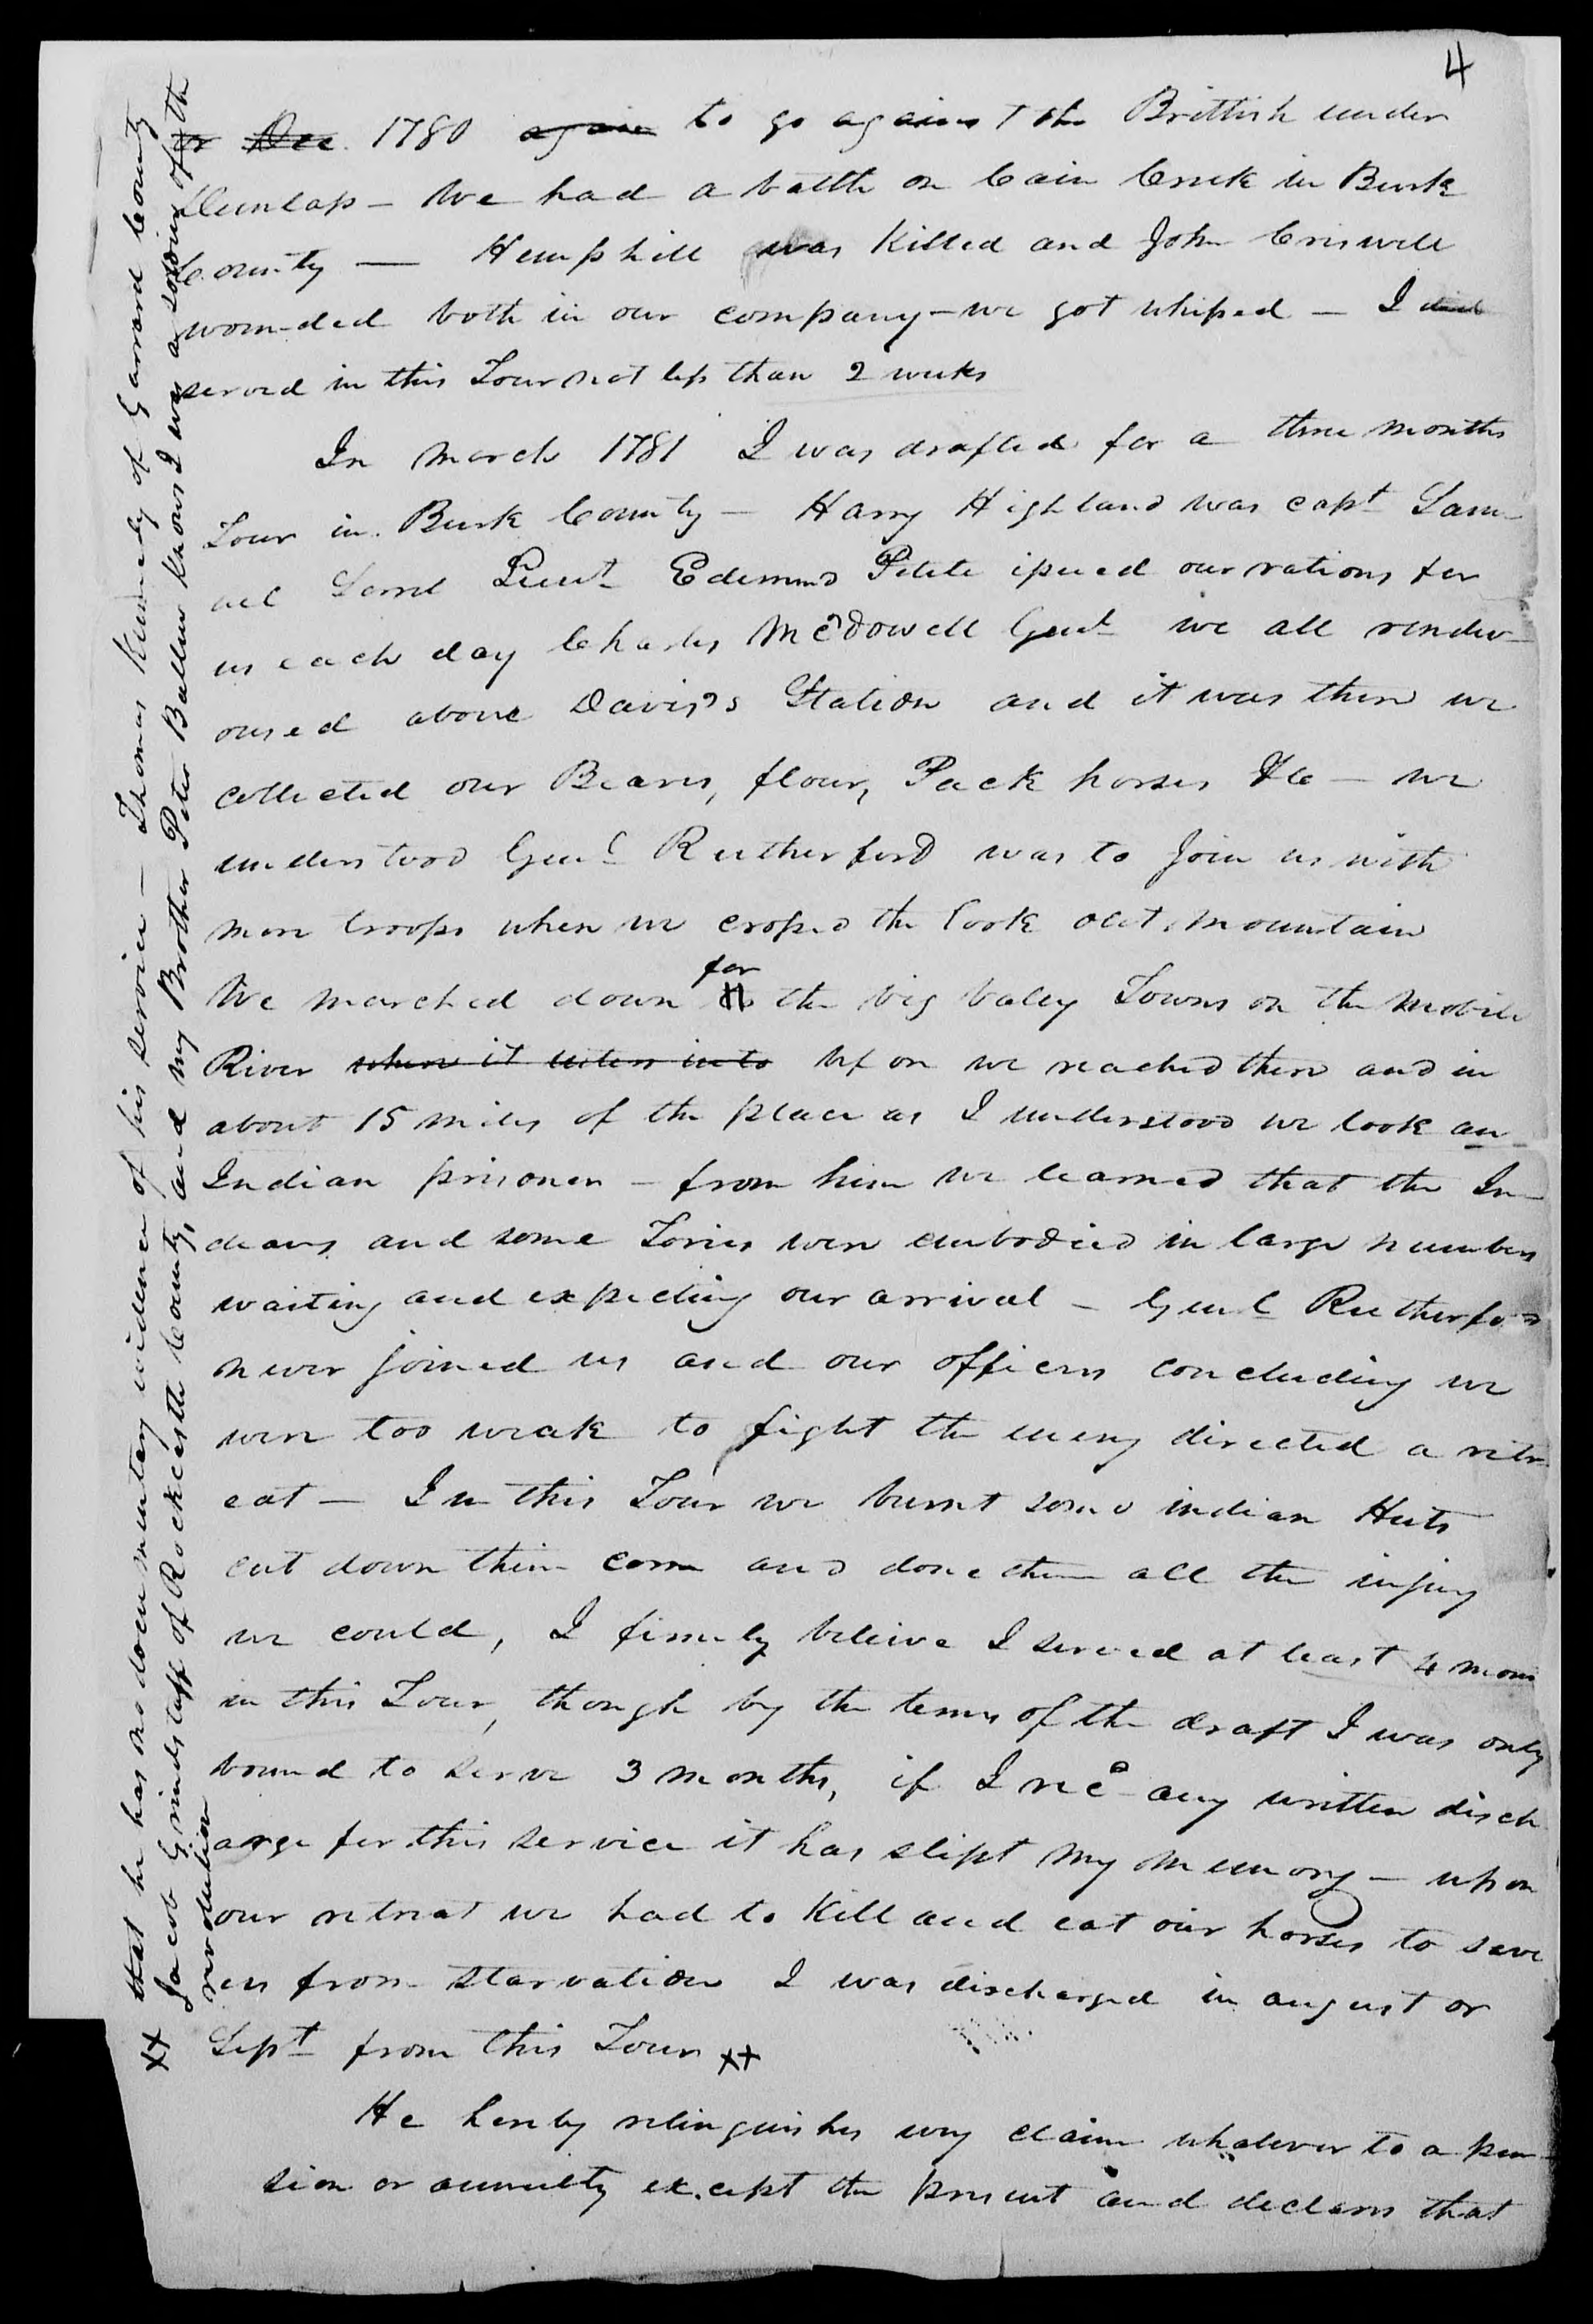1780 to go against the Brittish under
Dunlap-- We had a battle of Cain Creek in Burk
County-- Hemphill was killed and John Criswell
wounded both in our company--we got whiped-- I 
served in this Tour not less than 2 weeks.
In March 1781 I was drafted for a three months
Tour in Burk County--Harry Highland was Capt. Samuel
[illegible] Lieut, Edmund [illegible] issued our rations for
us each day Charles McDowell Genl.  we all rendezvoused
above Davis;s Station and it was then we
collected our Beaves, flour, Pack horses &c--we
understood  Genl. Rutherford was to join us with
more troops when we crossed the lookout mountain .
We marched down for the big Valey Towns on the mobile
River [crossed out-----] [illegible] we marched then and in
about 15 miles of the place as I understood we took on
Indian prisoners-- from him we learned that the Indians
and some Tories were embodied in large numbers
waiting and expecting our arrival.  Genl, Rutherford was
too weak to fight the enemy directed a [illegible]
In this Tour we burnt some Indian huts cut
down their corn and done them all the injury we
could, I firmly believe I served at least 4 months
in this Tour, though by the term of the draft I was only
bound to serve 3 months, If I recd. any written discharge
for this service it has slipt my memory--when our
retreat we had to kill and eat our horses to save us
from starvation.  I was discharged in August or 
Sept from this Tour
He hereby relinquishes every claim whatever to a pension
or annuity except the present and declares that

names: Rutherford, Dunlap, Samuel Saul, Harry Highland, Edmund Petete, Charles Mc Dowell, Peter Ballew, Rutherford, Jacob Ginerds, Hempkill, John Criswell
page: 8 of 33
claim: survivor's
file: S. 15305, Richard Ballew, N.C.